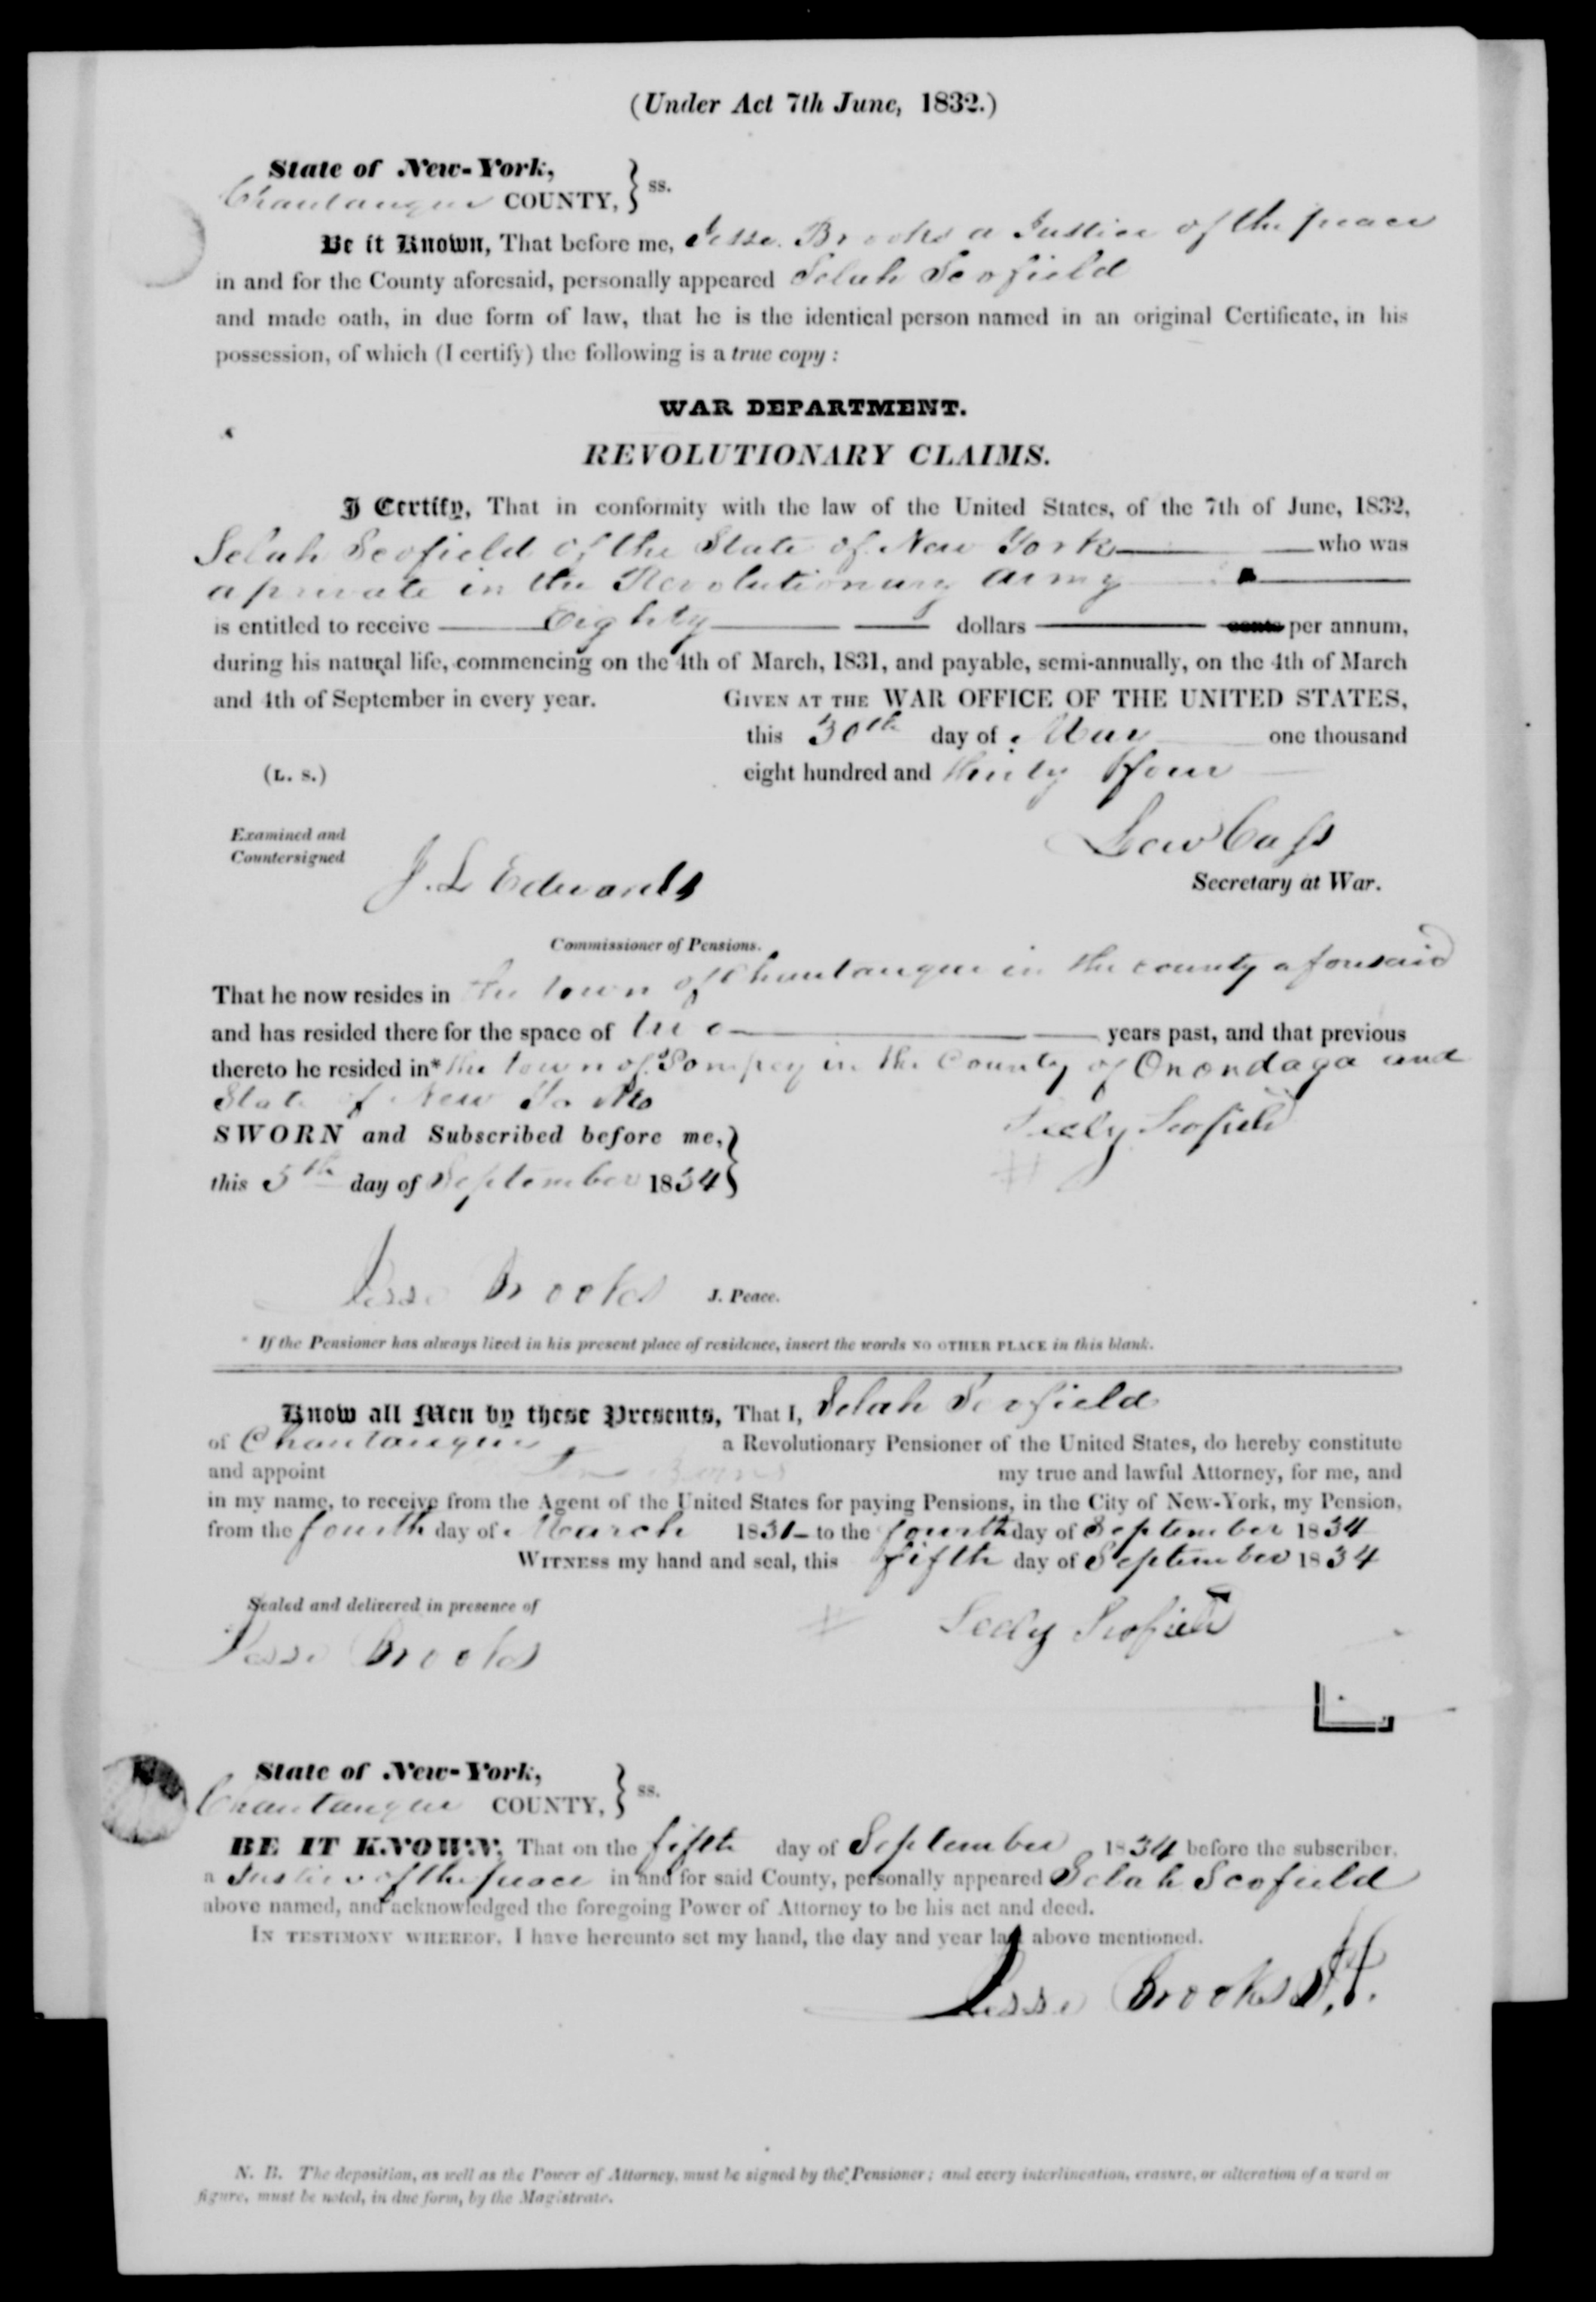(Under Act 7th June, 1832.) 
State of New York
Chautauqua COUNTY }ss 
Be It Known, That before me, Jesse Brooks a Justice of the peace in and for the County aforesaid, personally appeared Selah Scofield and made oath in due form of law, that he is the identical person named in an original Certificate, in his possession, of which (I certify) the following is a true copy: 
WAR DEPARTMENT. 
REVOLUTIONARY CLAIMS
I Certify, That in conformity with the law of the United States, of the 7th of June, 1832, Selah Scofield of the State of New York who was a private in the Revolutionary army is entitled to receive eighty dollars per annum, during his natural life, commencing on the 4th of March, 1831, and payable semi-annually, on the 4th of March and 4th of September in every year. 
GIVEN AT THE WAR OFFICE OF THE UNITED STATES. 
this 30th day of May one thousand eight hundred and thirty four  [L.S.]
Lew Cass  
Secretary at War
Examined and Countersigned J. L. Edwards
Commissioner of Pensions
That he now and has resides in the Town of Chautauqua in the County aforesaid and has resided there for the space of two years past, and that previous resided in the town of Pompey in the County of Onondaga and State of New York 
Seely Scofield
Sworn to and subscribed before me, this 5th day of September 1834} 
Jesse Brooks J. Peace
If the Pensioner has always lived in his present place of residence, insert the words NO OTHER PLACE in this blank. 
Know all men by these presents, That I, Selah Scofield of Chautauqua a Revolutionary Pensioner of the United States, do hereby constitute and appoint my true and lawful Attorney, for me, and in my name, to receive from the Agent of the United States for paying Pensions, in the City of New-York, my Pension, from the fourth day of March 1831 to the fourth day of September 1834 
Seely Scofield
Sealed and delivered in presence of 
Jess. Brooks 
State of New-York, 
Chautauqua COUNTY} ss
BE  IT KNOWN, That on the fifth day of September 1834 before the subscriber. Justice of the peace in and for said County, personally appeared Selah Scofield above named, and acknowledged the foregoing Power of Attorney to be his act and deed. 
IN TESTIMONY WHEREOF, I have hereunto set my hand, the day and year last above mentioned. 
Jesse Brooks J. P.   
N. B. The deposition, as well as the Power of Attorney, must be signed by the Pensioner, and every interlineation, erasure, or alteration of a word or figure must be noted, in one form, by the Magistrate.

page: 11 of 36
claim: survivor's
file: S. 10,004, for Seely Scofield, Connecticut